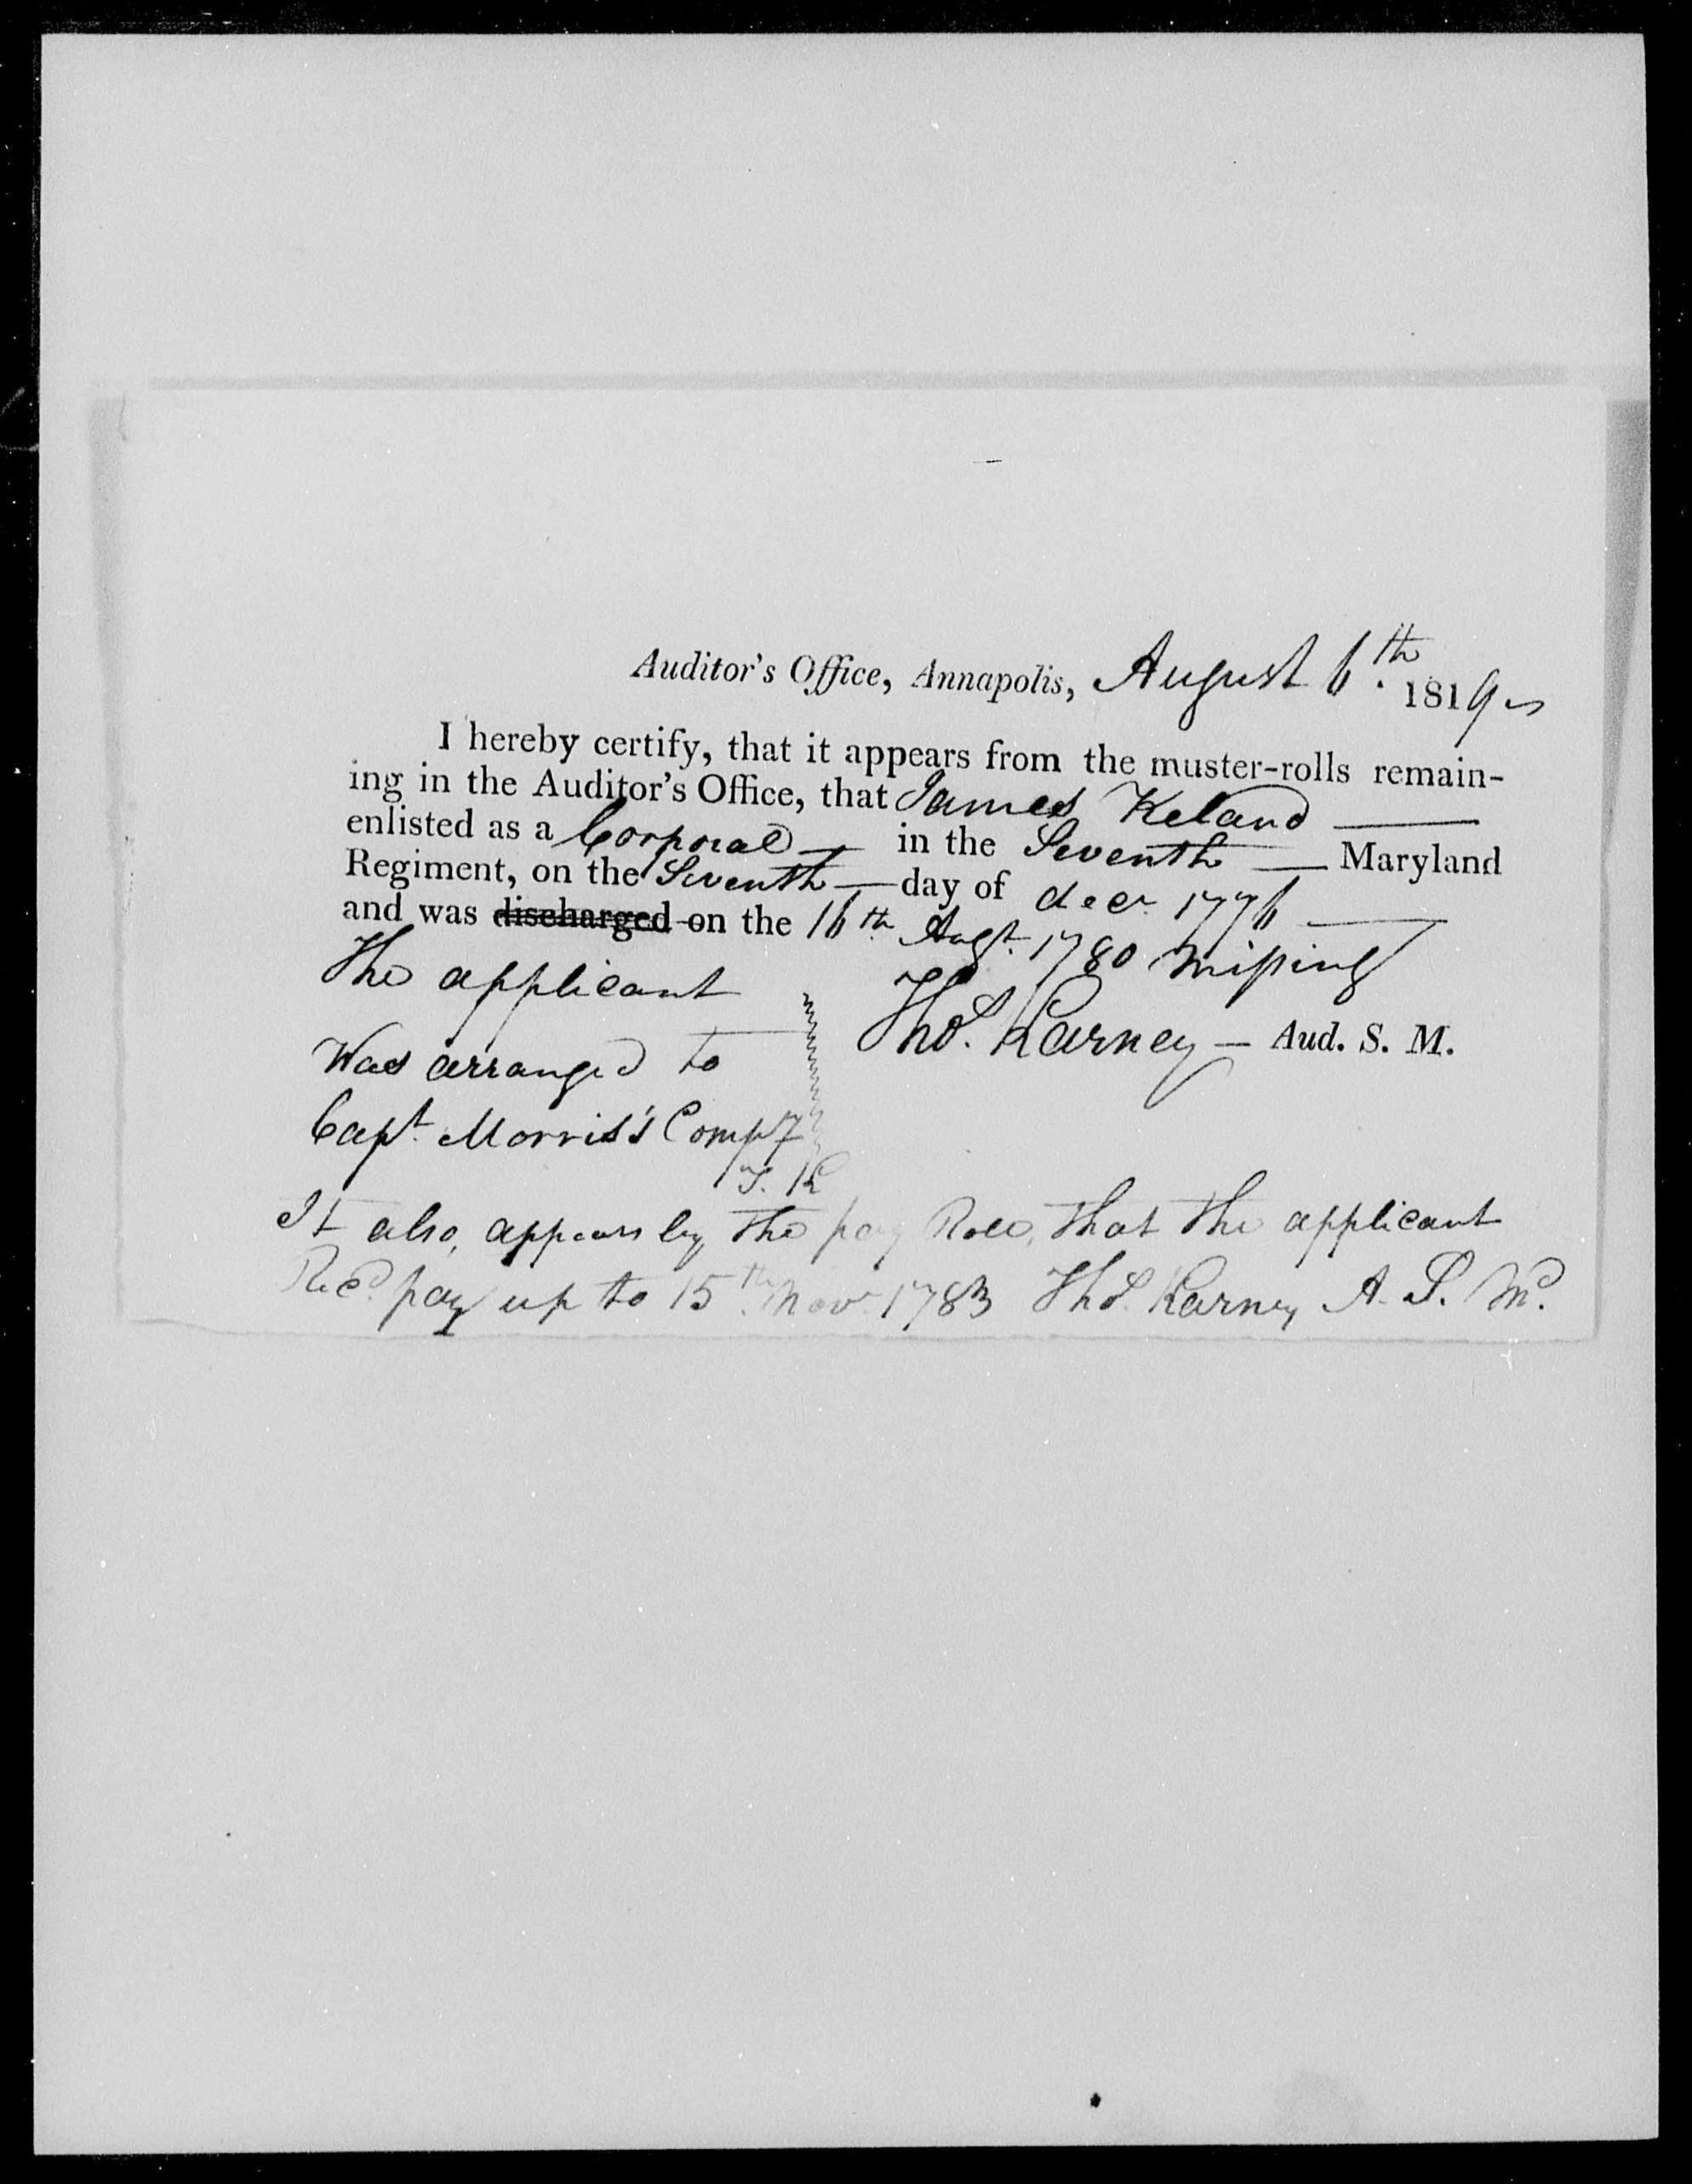Auditor's Office, Annapolis, August 6th 1819~
I hereby certify, that it appears from the muster-rolls remaining
in the Auditor's Office, that James Keland 
enlisted as a Corporal in the Seventh  Maryland
Regiment, on the Seventh day of Dec. 1776-
and was [lined out: discharged] on the 16th Augt 1780 missing

Thos Karney - Aud. S. M.

[handwritten:] }
The applicant
was arranged to
Capt Morris's Compy
[initials:] T. K.

It also appears by the pay Roll, that the applicant
Recd pay up to 15th Nov 1783 Thos Karney A. S. Md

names: James Keland; Thos Karney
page: 2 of 16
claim: survivor's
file: S. 38110, for James Keelan, Maryland